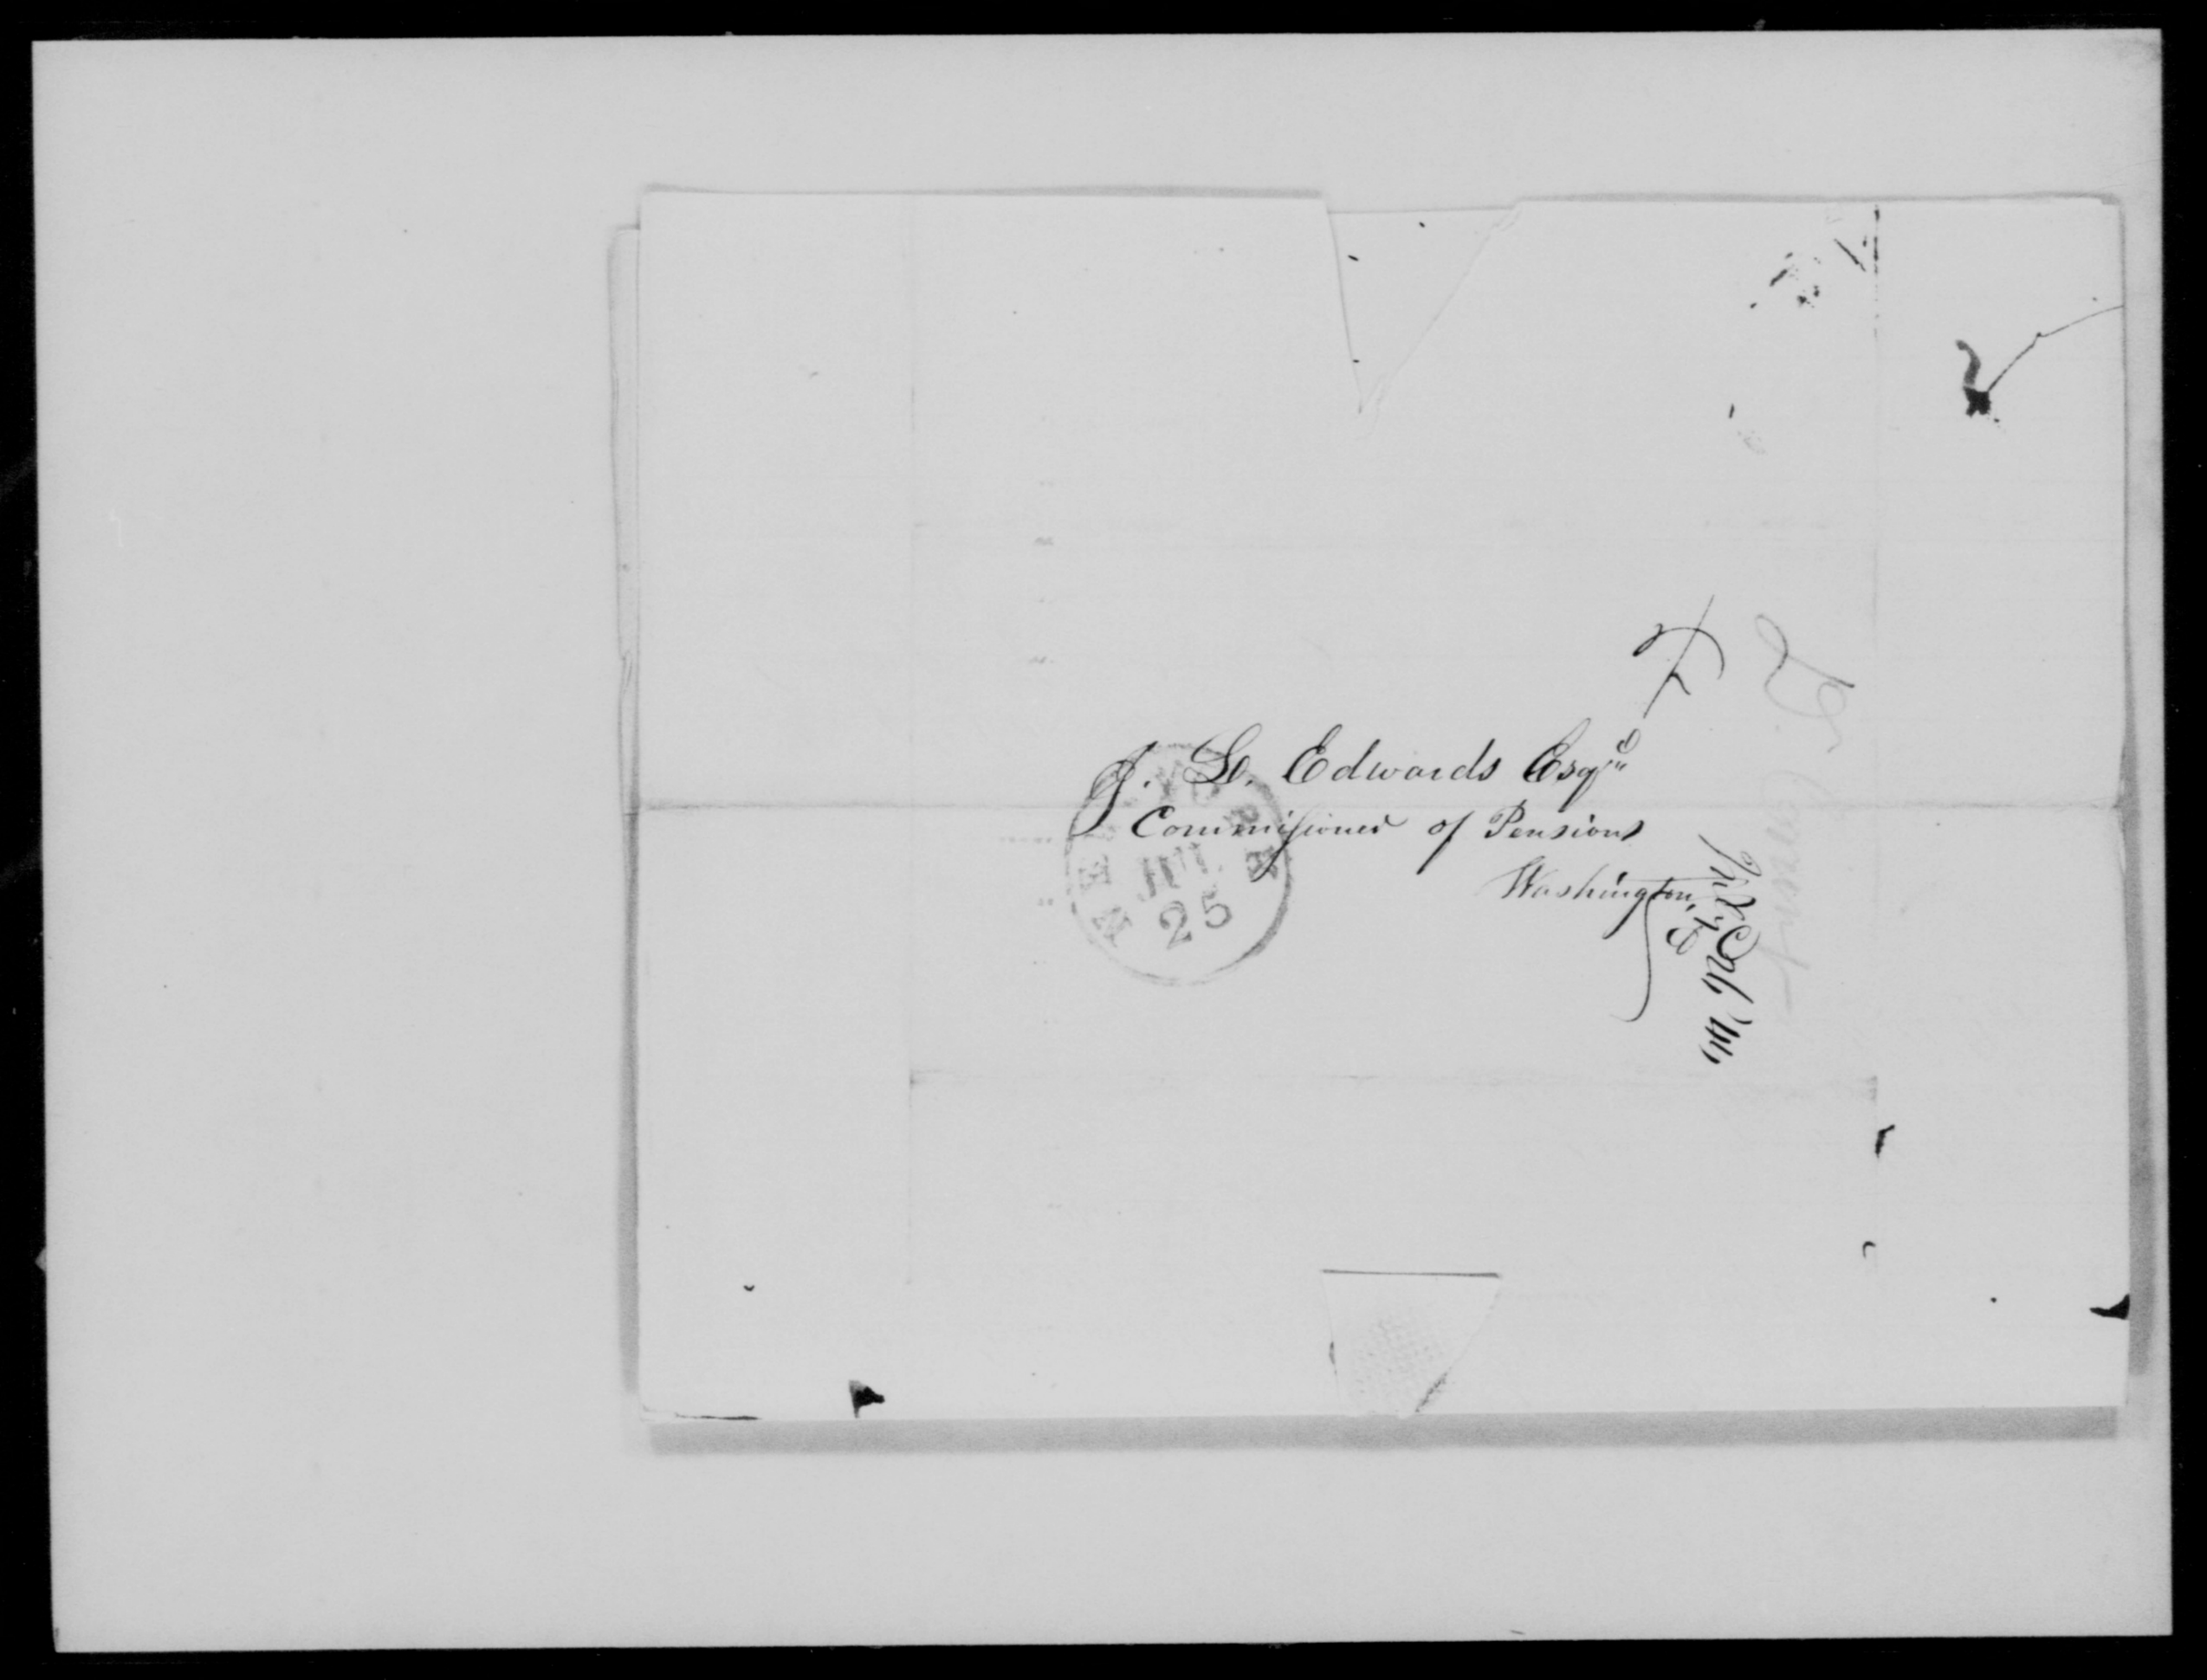J.L. Edwards Esqr
Commissioner of Pensions
Washington, D.C.

[postal mark] NEW YORK JUL 25
[on side] July 26 '41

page: 53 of 101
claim: widow's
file: W. 25481, for Peter V Tilyou, New Jersey